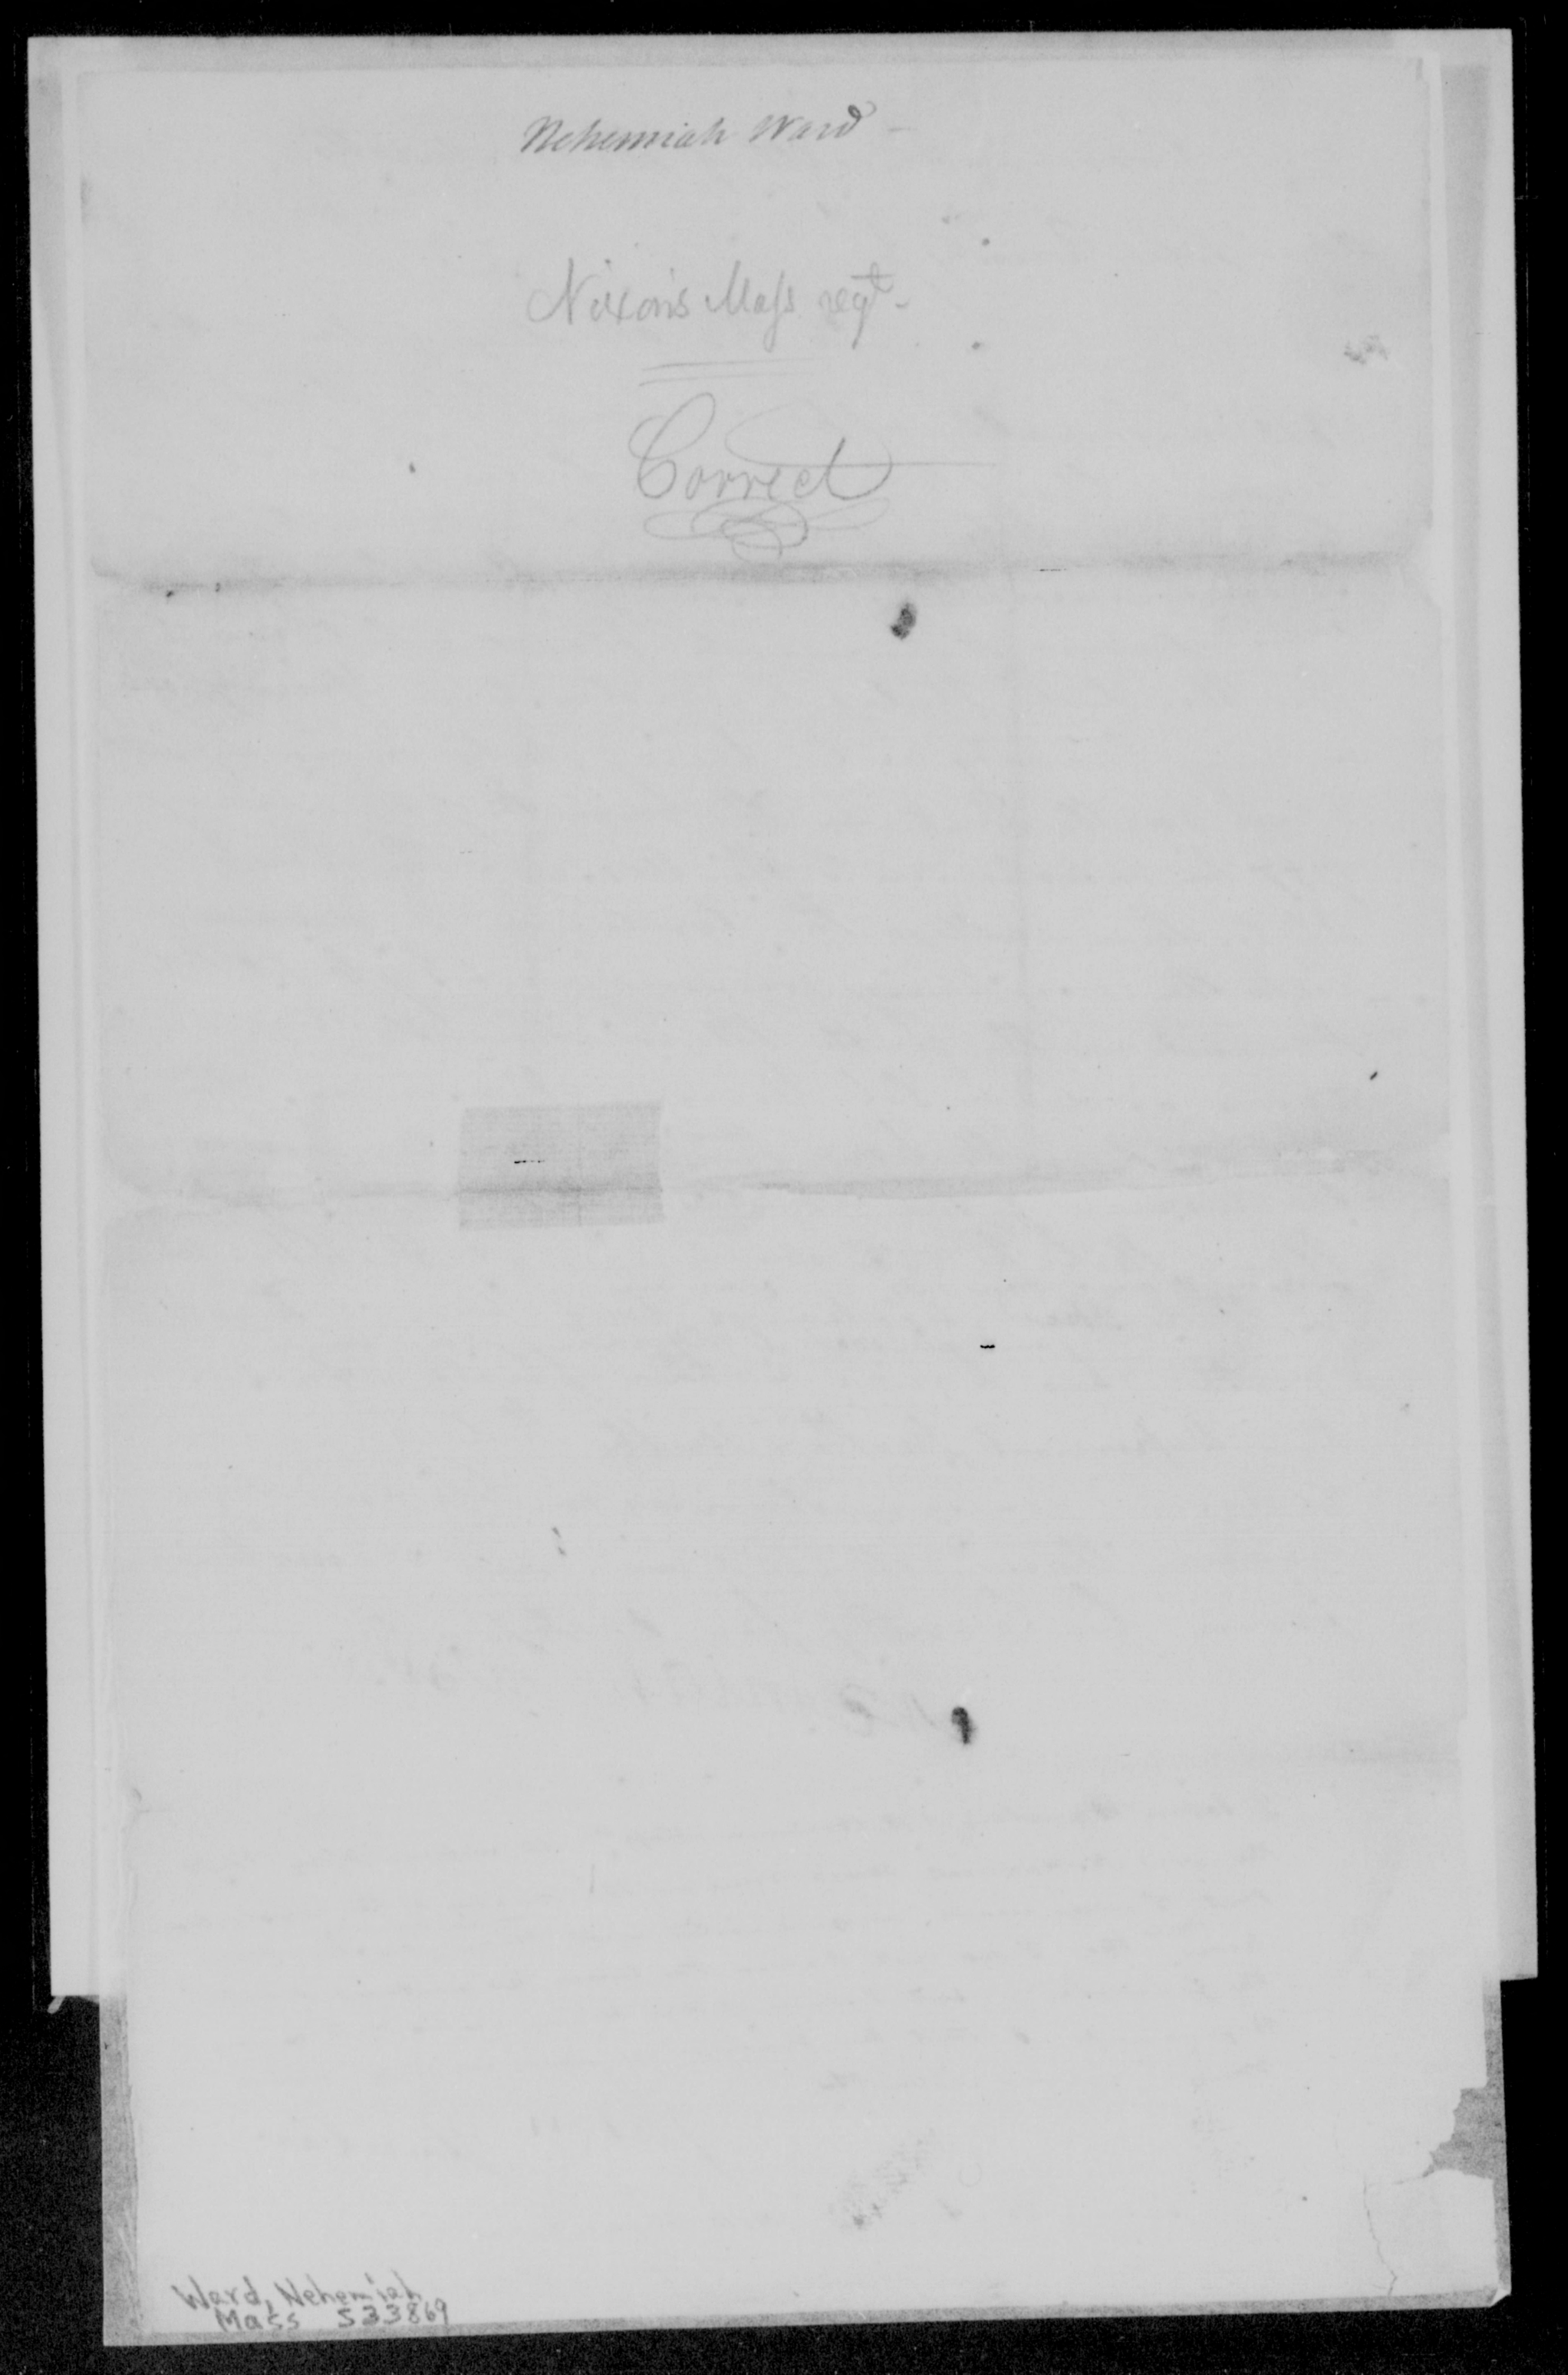Nehemiah Ward --

Nixon's Mass regt.

Correct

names: Nehemiah Ward, Nehemiah Ward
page: 8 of 9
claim: survivor's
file: S. 33869, Nehemiah Ward, Mass.